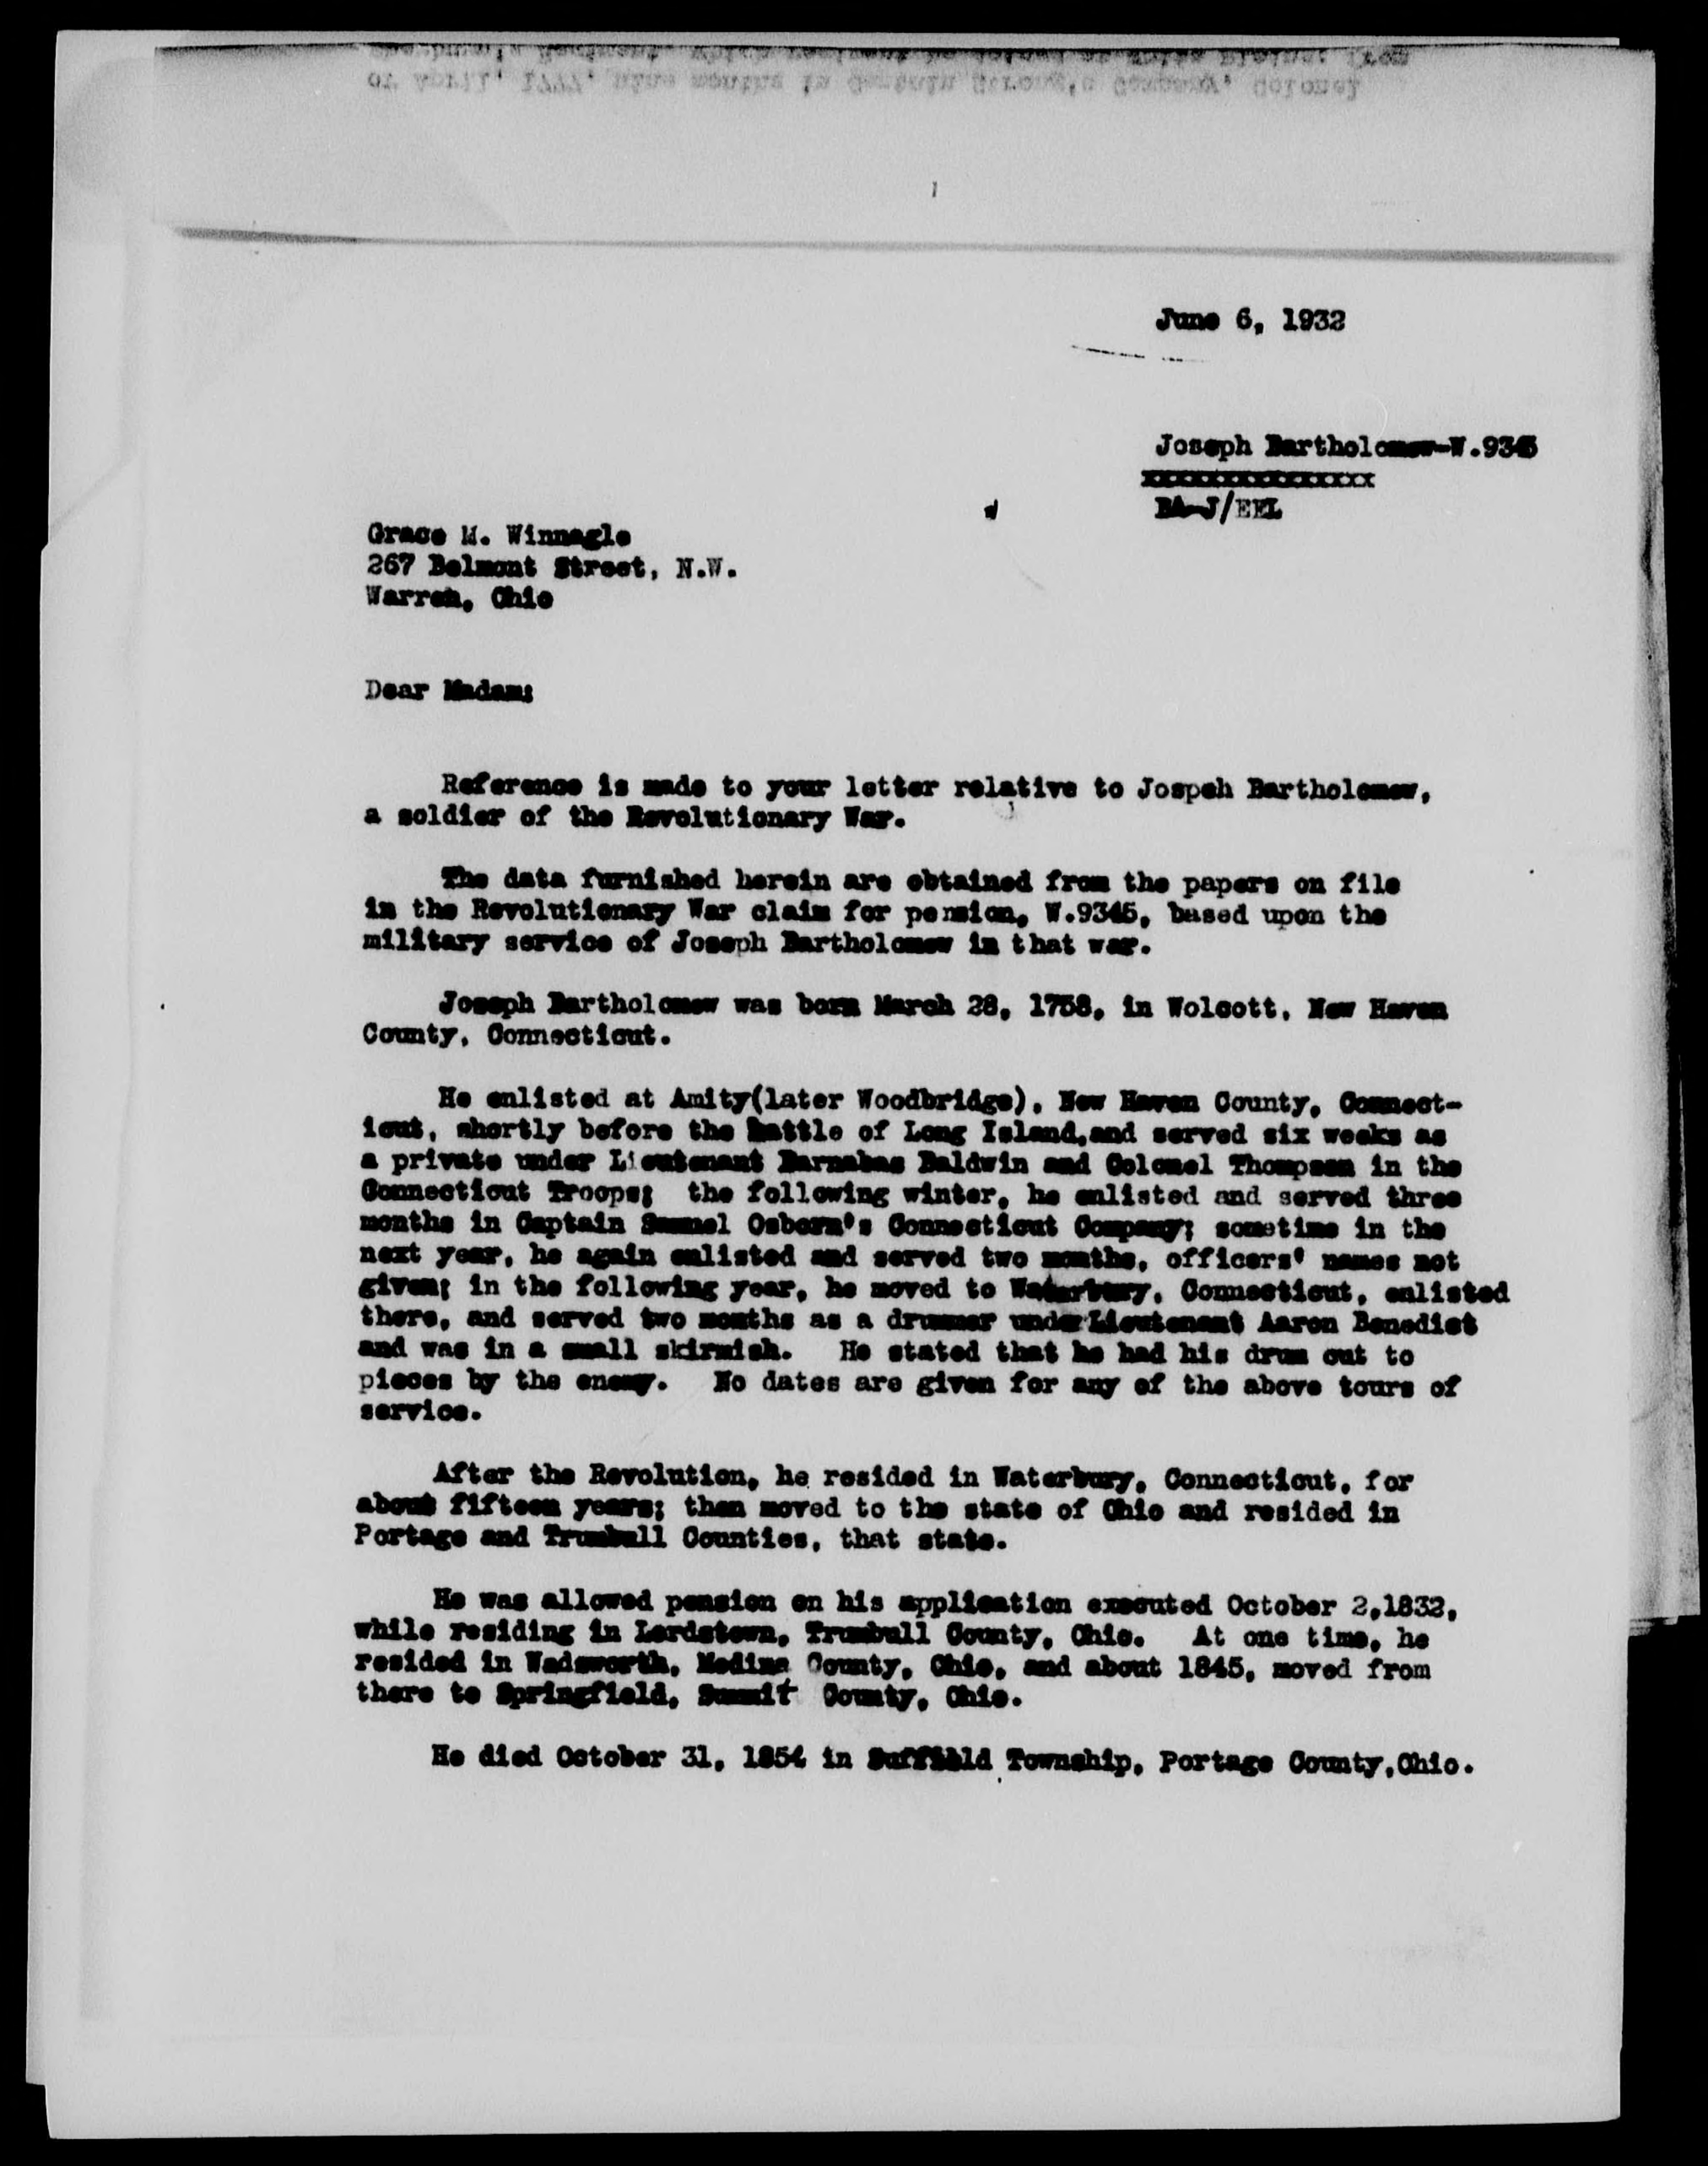OF
bra
Dear Madam:
Y
June 6, 1932
Joseph Bartholomew.936
XXX
Grace M. Winnagle
267 Belmont Street, N.W.
Warren, Ohio
Dear Madam:
Reference is made to your letter relative to Jospeh Bartholomew,
a soldier of the Revolutionary War.

The data furnished herein are obtained from the papers on file
in the Revolutionary War claim for pension, W.9346, based upon the
military service of Joseph Bartholomew in that war.
Joseph Bartholomew was born March 28, 1758, in Wolcott, New Haven
County, Connecticut.
He enlisted at Amity (later Woodbridge), New Haven County, Connectiist
, shortly before the battle of Long Island, and served six weeks as a
private under Lieutenant Barnabas Baldwin and Colonel Thompson in the
Connecticut Troops; the following winter, he enlisted and served three
months in Captain Samuel Osborn's Connecticut Company; sometime in the
next year, he again enlisted and served two months, officers' names not
given: in the following year, he moved to Waterbury, Connecticut, enlisted
there, and served two months as a drummer under Lieutenant Aaron Benedict
and was in a small skirmish. He stated that he had his drum cut to
pieces by the enemy. No dates are given for any of the above tours of service.
After the Revolution, he resided in Waterbury, Connecticut, for
about fifteen years; then moved to the state of Ohio and resided in
Portage and Trumbull Counties, that state.
He was allowed pension on his application executed October 2, 1832, while residing in Lordstown, Trumbull County Ohio. At one time, he resided in Wadsworth, Medina County, Ohio, and about 1845, moved from
there to Springfield, Summit County, Ohio.
He died October 31, 1851 in Suffield Township.
Portage County, Ohio.

of 76
1
2
3
4
5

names: Grace M Winnagle, Joseph Bartholomew, Barnabas Baldwin, Thompson, Joseph Bartholomew, Joseph Bartholomew, Joseph Bartholomew, Aaron Benedict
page: 75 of 76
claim: widow's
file: W. 9345, Joseph Bartholomew, Conn.